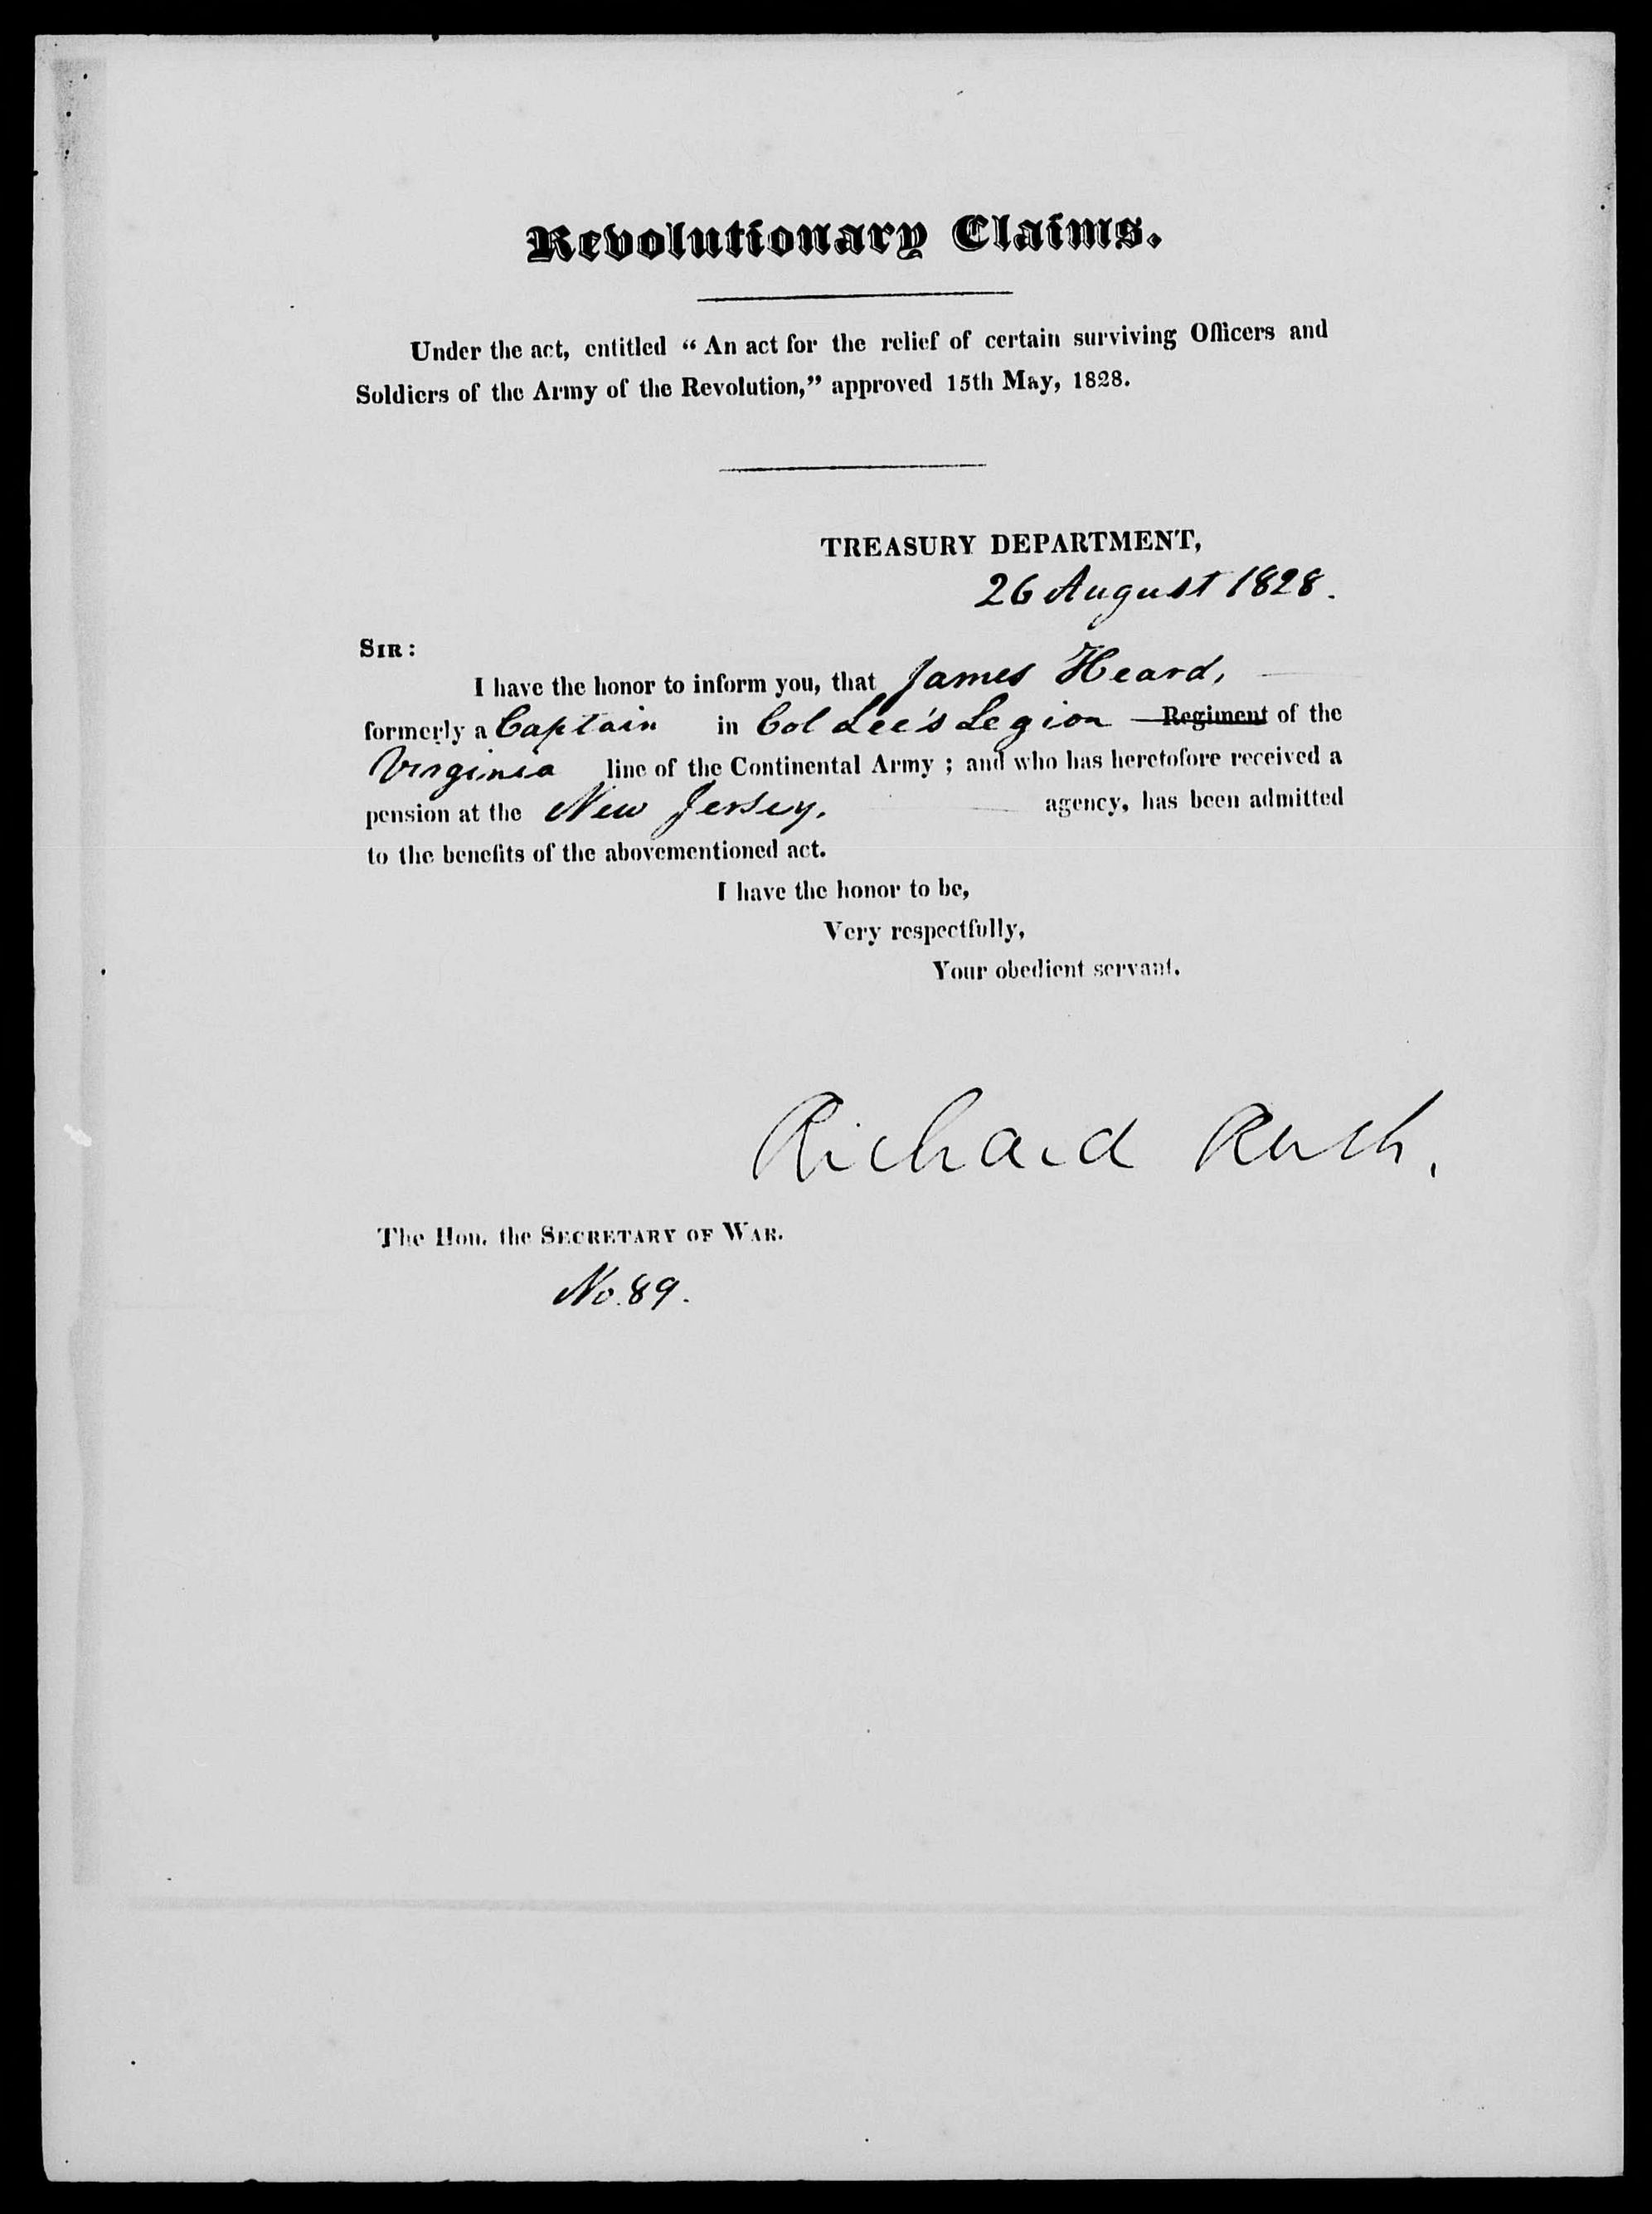Revolutionary Claims 

Under the act, entitled “An act for the relief of certain surviving Officers and Soldiers of the Army of the Revolution,” approved 15th May, 1828.

Treasury Department,
26 August 1828.

Sir, 

I have the honor to inform you, that James Heard, formerly a Captain
of Col. Lee’s Legion of the Virginia line of the Continental Army; and who has heretofore received a pension at the New Jersey agency, has been admitted to the benefits of the abovementioned act. 

I have the honor to be, 
Very respectfully,
Your obedient servant, 
Richard Rush

The Hon. Secretary of War
No. 89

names: Richard Rush, James Heard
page: 58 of 62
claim: survivor's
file: S. 540, James Heard, Continental - New Jersey Residence In 1818